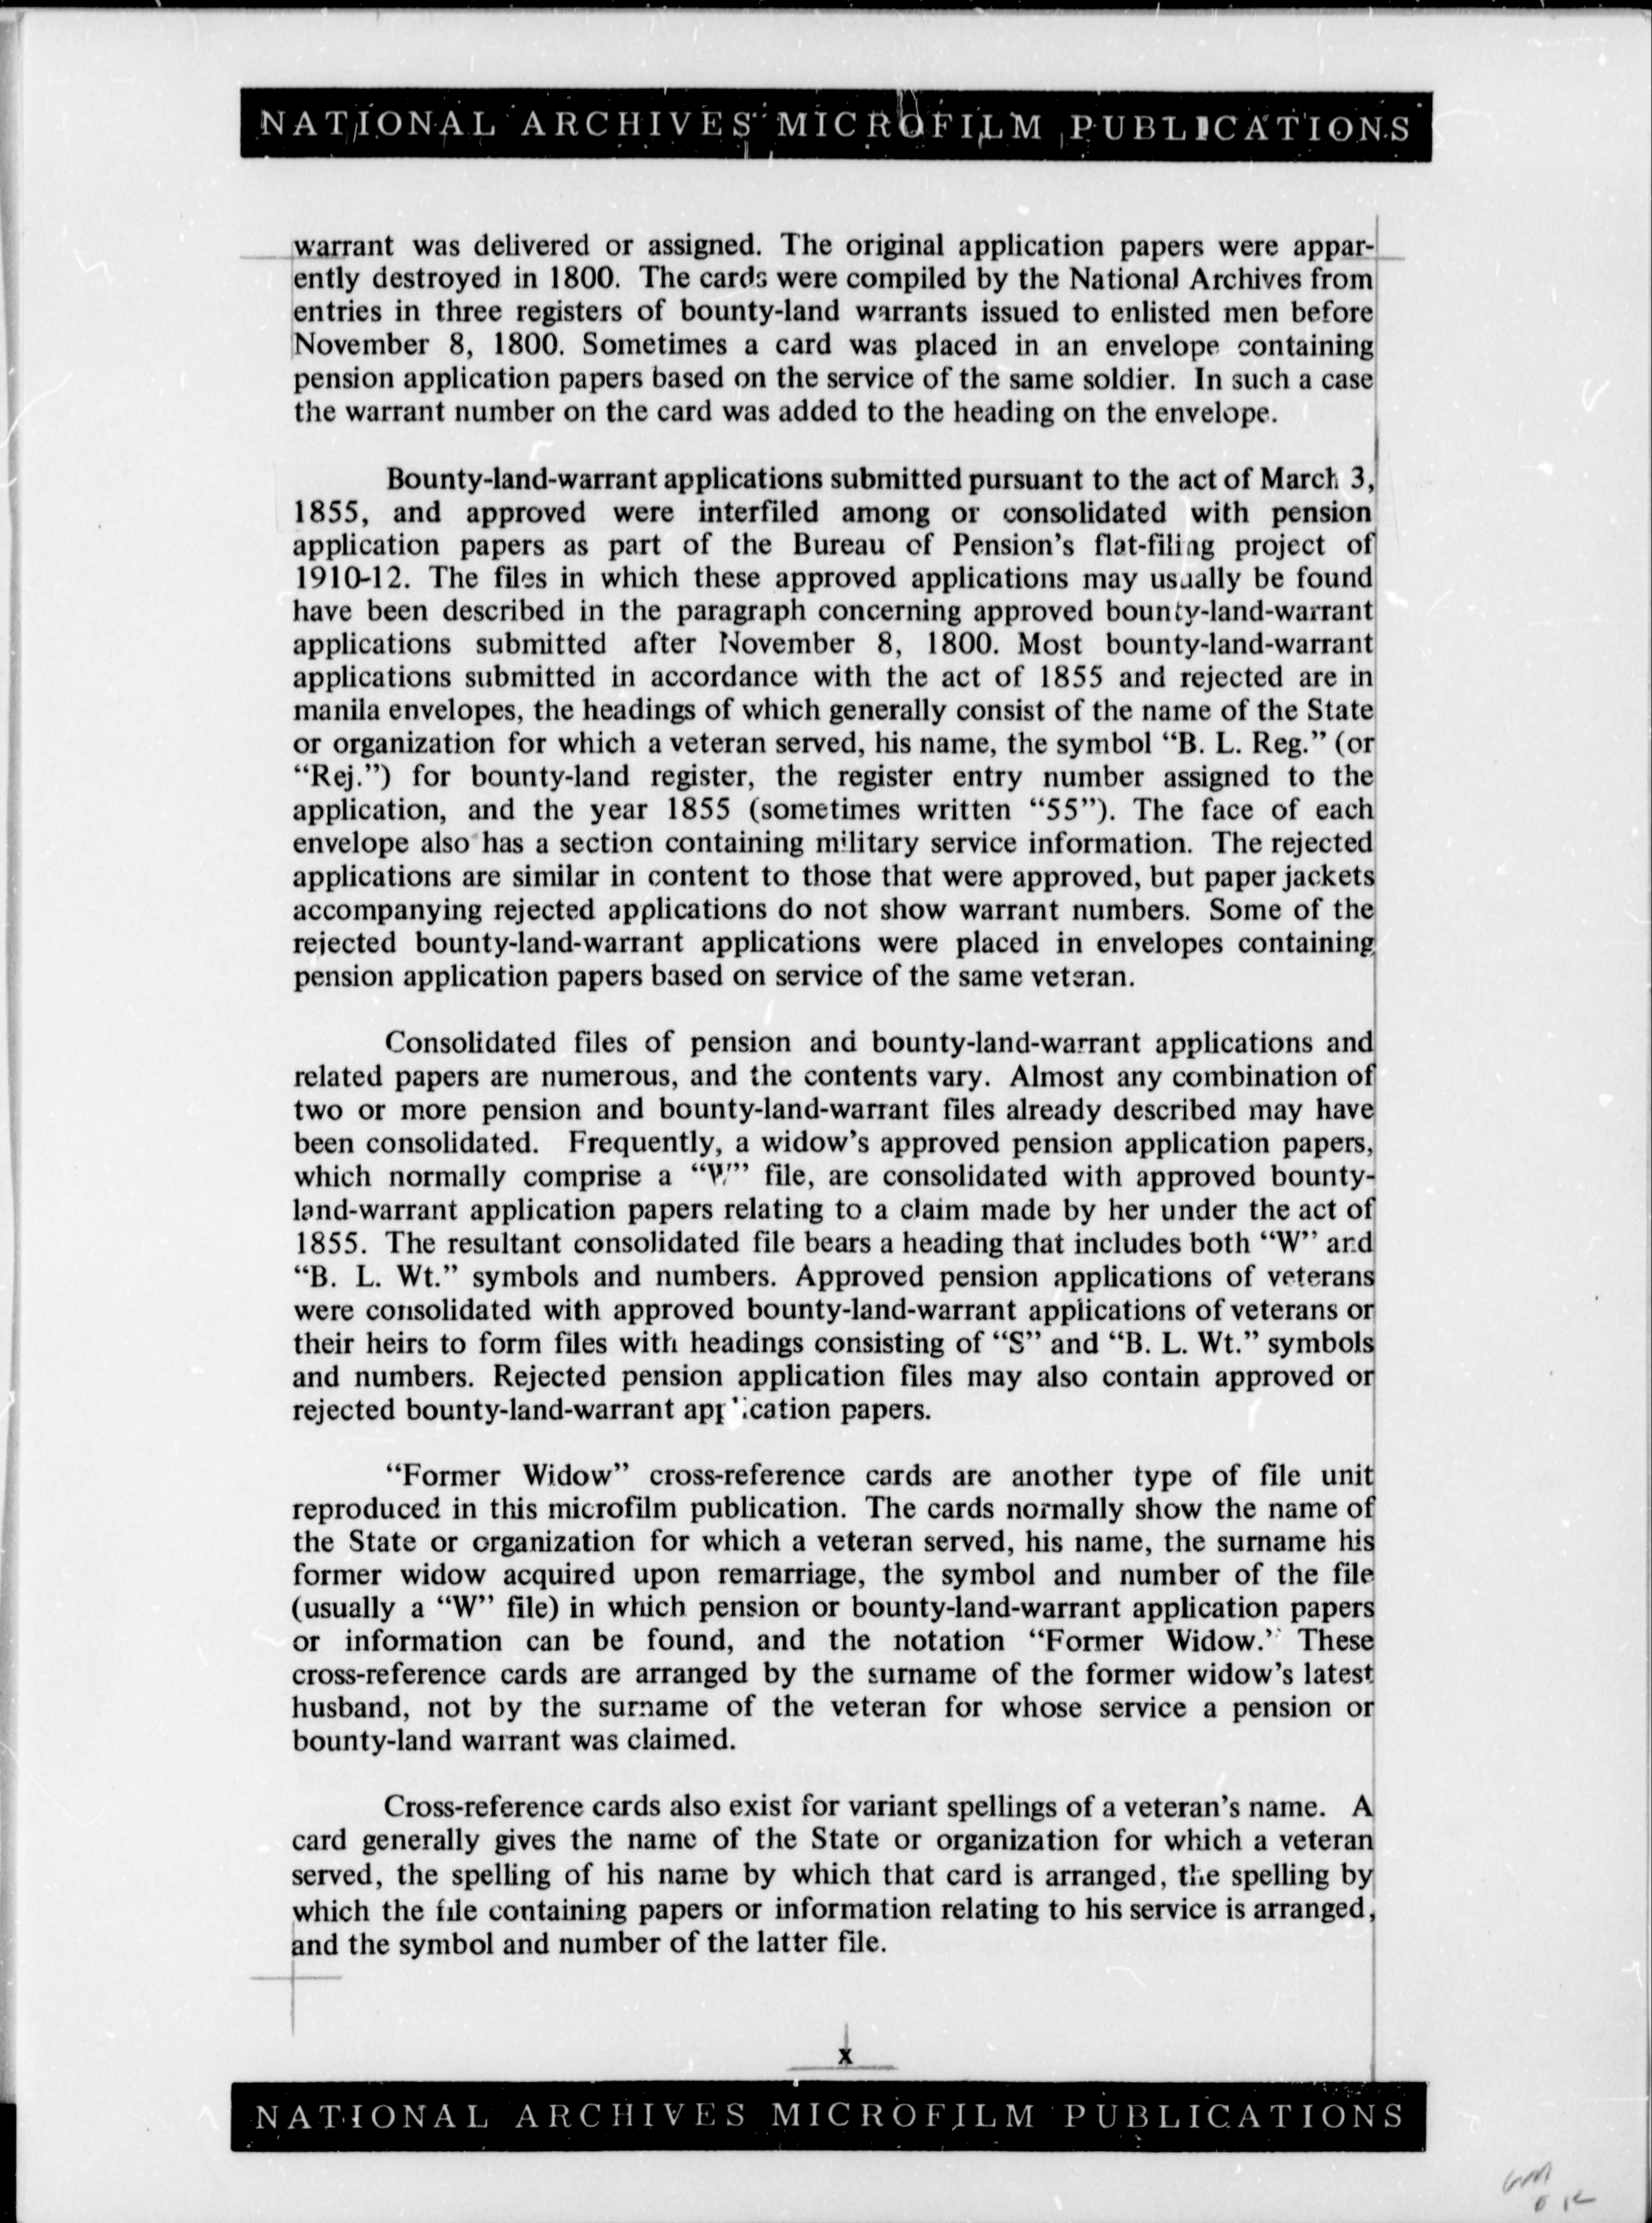NATIONAL ARCHIVES MICROFILM PUBLICATIONS

warrant was delivered or assigned. The original application papers were apparently destroyed in 1800. The cards were compiled by the National Archives from entries in three registers of bounty-land warrants issued to enlisted men before November 8, 1800. Sometimes a card was placed in an envelope containing pension application papers based on the service of the same soldier. In such a case the warrant number on the card was added to the heading on the envelope.

Bounty-land-warrant applications submitted pursuant to the act of March 3, 1855, and approved were interfiled among or consolidated with pension application papers as part of the Bureau of Pension's flat-filing project of 1910-12. The files in which these approved applications may usually be found have been described in the paragraph concerning approved bounty-land-warrant applications submitted after November 8, 1800. Most bounty-land-warrant applications submitted in accordance with the act of 1855 and rejected are in manila envelopes, the headings of which generally consist of the name of the State or organization for which a veteran served, his name, the symbol "B. L. Reg." ( or "Rej.") for bounty-land register, the register entry number assigned to the application, and the year 1855 (sometimes written "55"). The face of each envelope also has a section containing military service information. The rejected applications are similar in content to those that were approved, but paper jackets accompanying rejected applications do not show warrant numbers. Some of the rejected bounty-land-warrant applications were placed in envelopes containing pension application papers based on service of the same veteran. 

Consolidated files of pension and bounty-land-warrant applications and related papers are numerous, and the contents vary. Almost any combination of two or more pension and bounty-land-warrant files already described may have been consolidated. Frequently, a window's approved pension application papers, which normally comprise a "W" file, are consolidated with approved bounty-land-warrant application papers relating to a claim made by her under the act of 1855. The resultant consolidated file bears a heading that includes both "W" and "B. L. Wt." symbols and numbers. Approved pension applications of veterans were consolidated with approved bounty-land-warrant applications of veterans or their heirs to form files with headings consisting of "S" and "B. L. Wt." symbols and numbers. Rejected pension application files may also contain approved or rejected bounty-land-warrant application papers.

"Former Widow" cross-reference cards are another type of file unit reproduced in this microfilm publication. The cards normally show the name of the State or organization for which a veteran served, his name, the surname his former widow acquired upon remarriage, the symbol and number of the file (usually a "W" file) in which pension or bounty-land-warrant application papers or information can be found, and the notation "Former Widow." These cross-reference cards are arranged by the surname of the former widow's latest husband, not by the surname of the veteran for whose service a pension or bounty-land warrant was claimed.

Cross-reference cards also exist for variant spellings of a veteran's name. A card generally gives the name of the State or organization for which a veteran served, the spelling of his name by which that card is arranged, the spelling by which the file containing papers or information relating to his service is arranged, and the symbol and number of the latter file.

NATIONAL ARCHIVES MICROFILM PUBLICATIONS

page: 10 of 61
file: Revolutionary War Pension and Bounty Land Warrant Application File